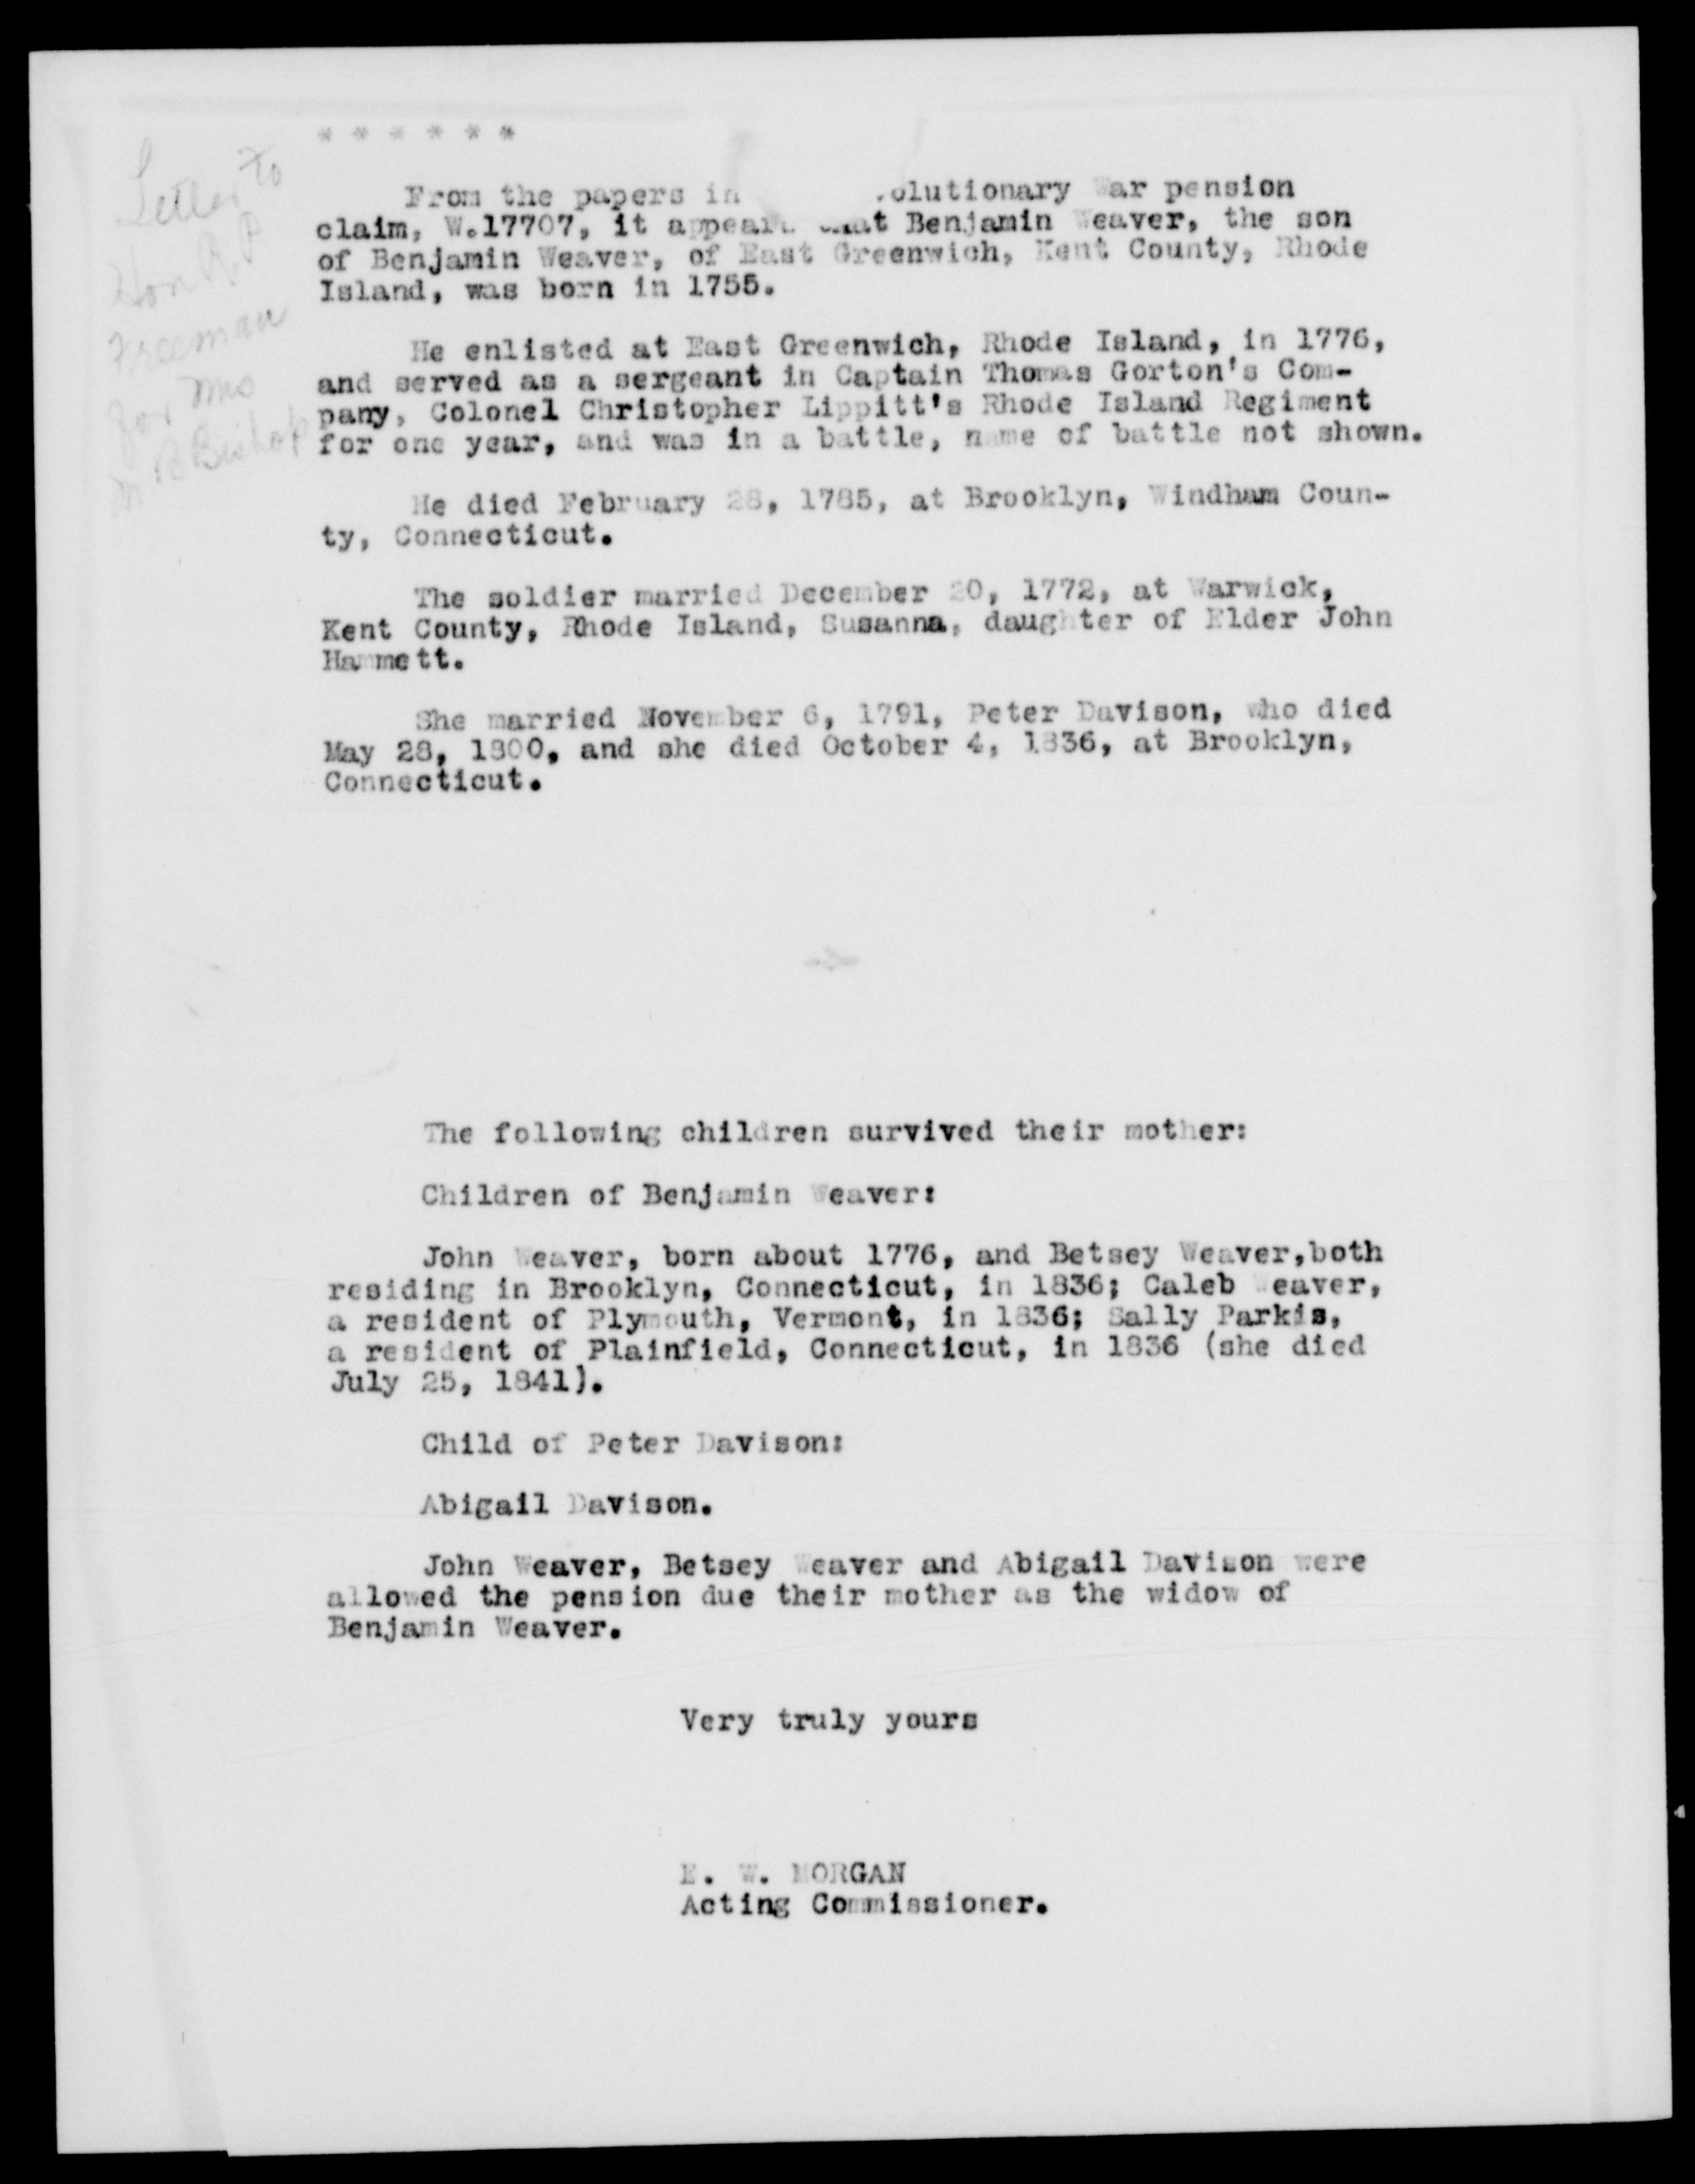From the papers in ____ Revolutionary War pension claim, W. 17707, it appears that Benjamin Weaver, the son of Benjamin Weaver, of East Greenwich, Kent County, Rhode Island, was born in 1755.
He enlist at East Greenwich, Rhode Island, in 1776, and served as a sergeant in Captain Thomas Gorton’s Company, Colonel Christopher Lippits’s Rhode Island Regiment for one year, and was in battle, name of battle not shown.
He died February 28, 1785, at Brooklyn, Windham County, Connecticut.
The soldier married December 20, 1772, at Warwick, Kent County, Rhode Island, Susanna, daughter of Elder John Hammett.
She married November 6, 1791, Peter Davison, who died May 28, 1800, and she died October 4, 1836, at Brooklyn, Connecticut.

The following children survived their mother:

Children of Benjamin Weaver:
John Weaver, born about 1776, and Betsey Weaver, both residing in Brooklyn, Connecticut, in 1836; Caleb Weaver, a resident of Plymouth, Vermont, in 1836; Sally Parkis, a resident of Plainfield, Connecticut, in 1836 (she died July 25, 1841).

Child of Peter Davison:
Abigail Davison.

John Weaver, Betsey Weaver and Abigail Daviso were allowed the pension due their mother as the widow of Benjamin Weaver.

Very truly yours
E. W. MORGAN
Acting Commissioner.

[top left] Letter to Hon RP Freeman for Mrs MB Bishop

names: Betsey Weaver, Caleb Weaver, M B Bishop, Abigail Davison, Sally Parkis, Susanna, E W Morgan, John Weaver, John Hammett, Benjamin Weaver, Peter Davison, R P Harman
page: 15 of 53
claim: widow's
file: W 17707, Benjamin Weaver, R.I.